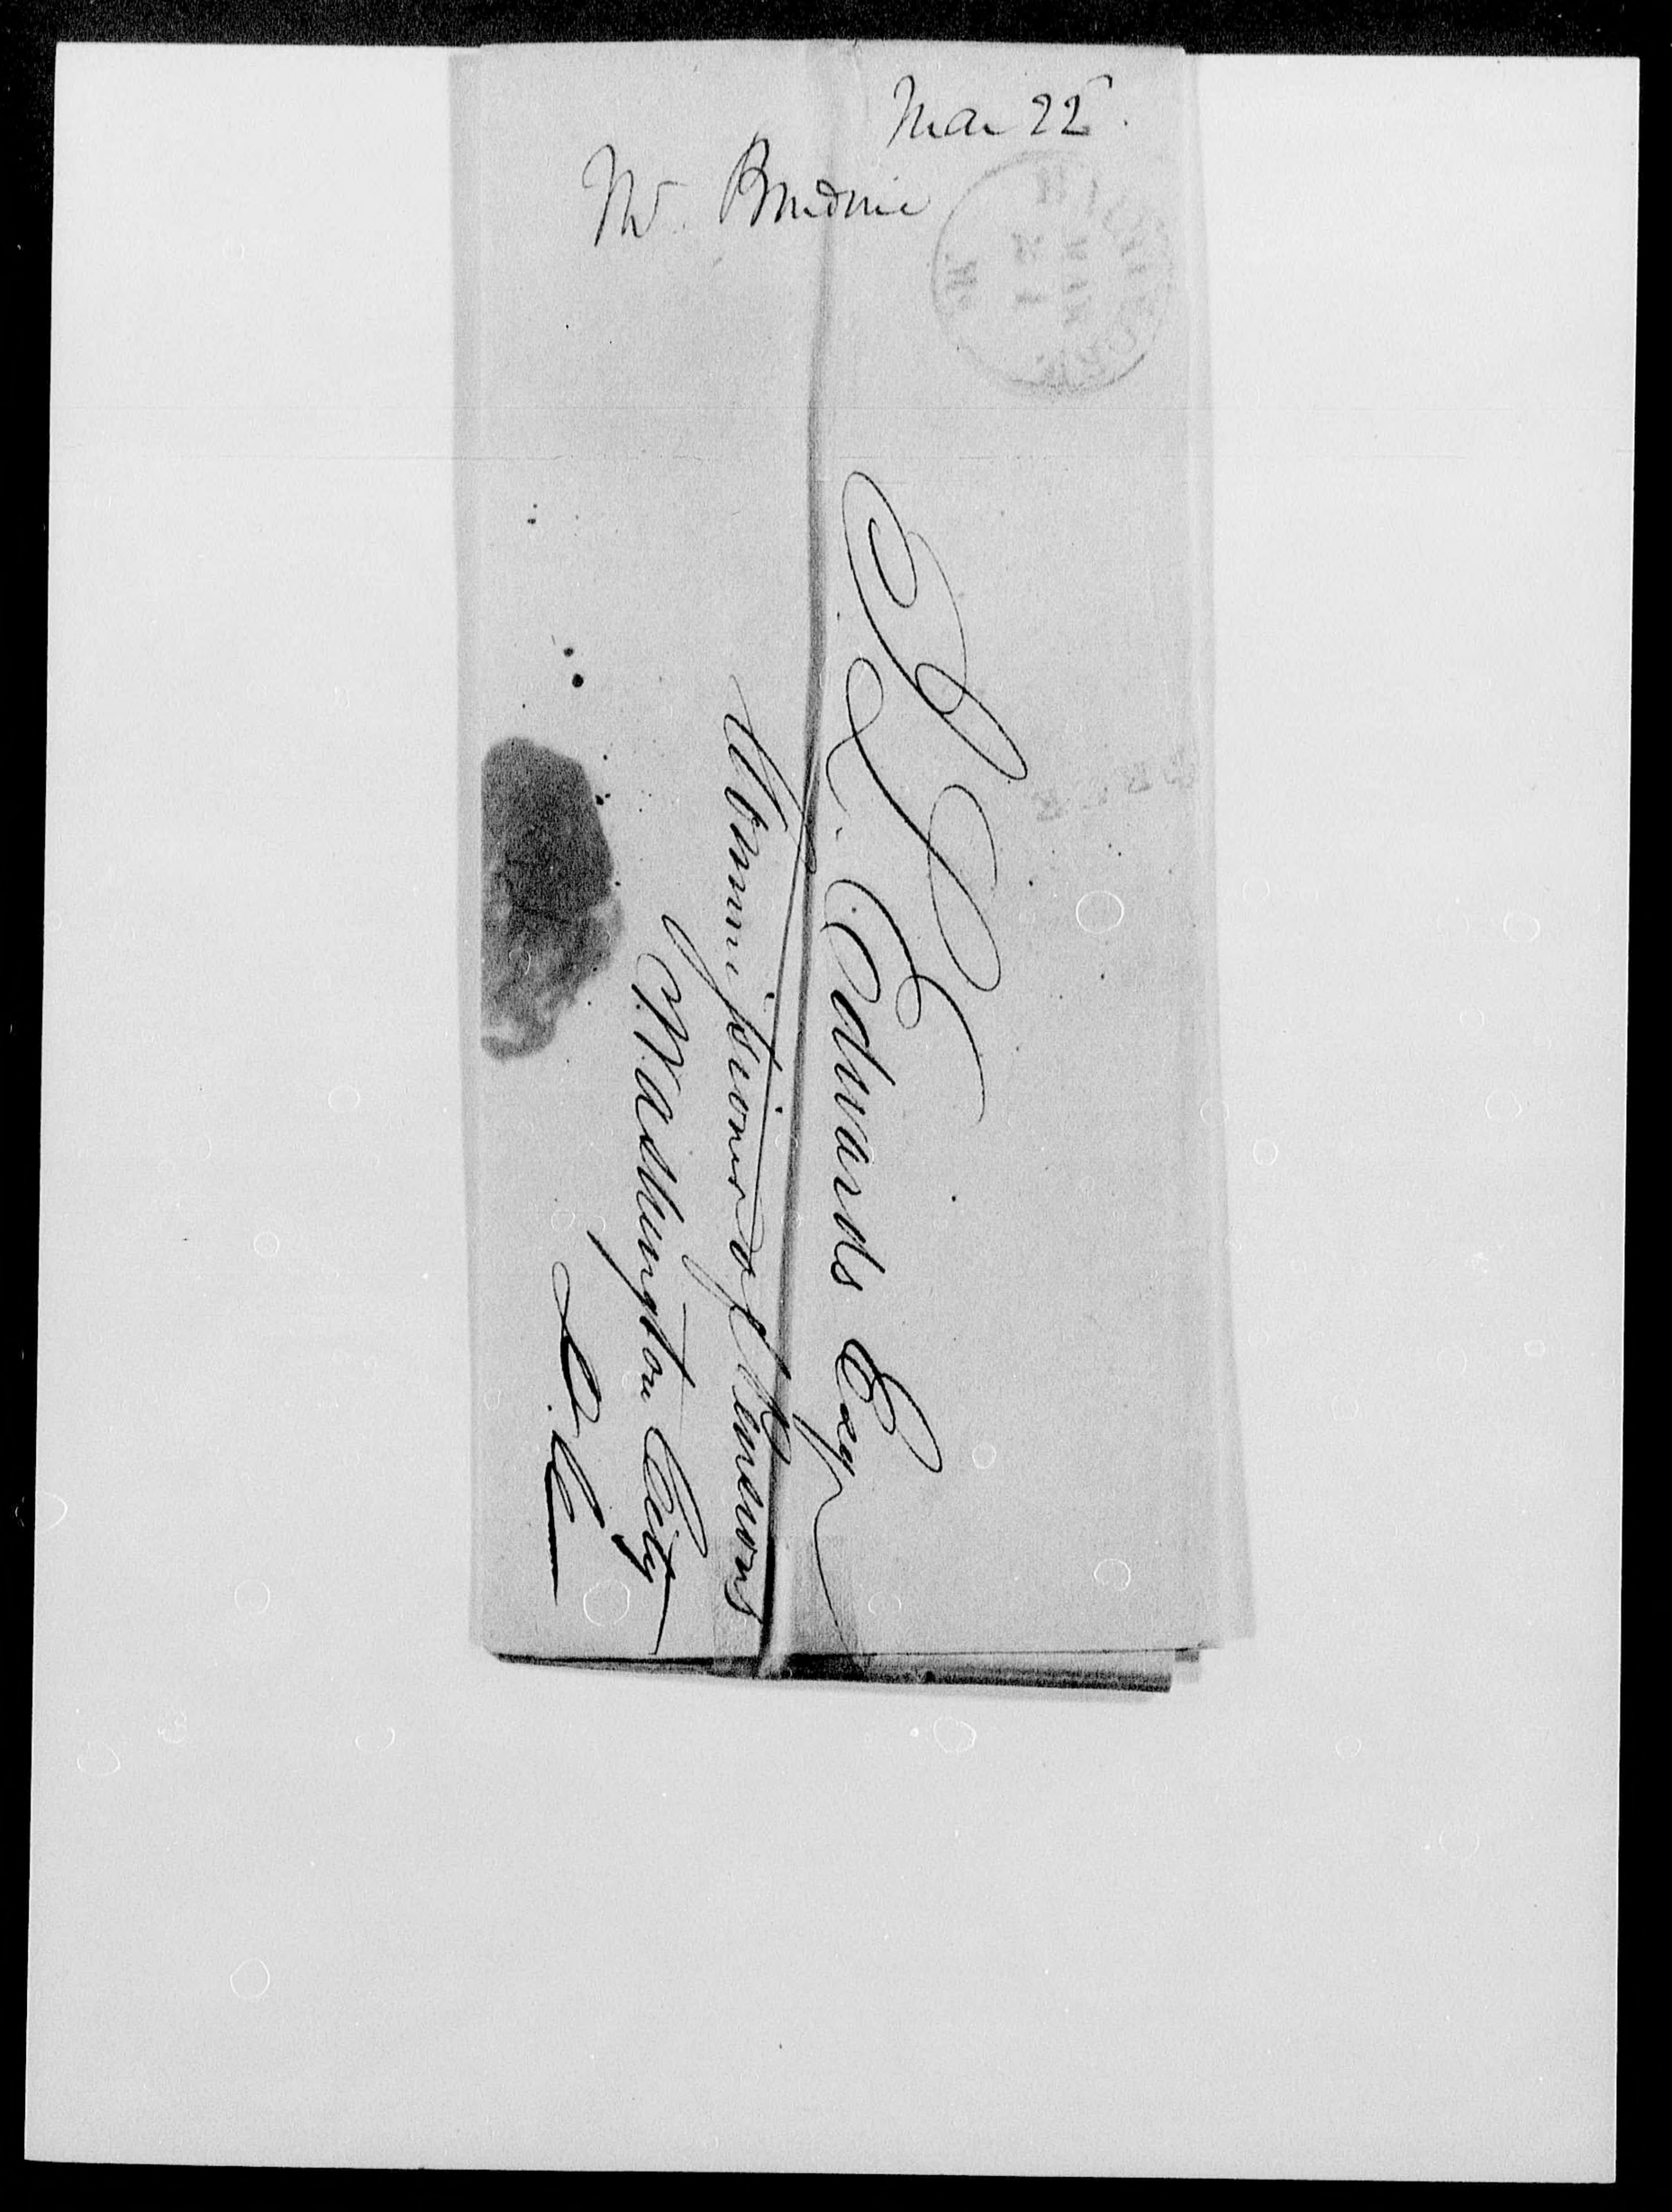Mar 22
W Burdine
J L Edwards Esq
Commissioner of Pension
Washington City

[stamp: Baltimore Md. Mar 21]
[faint stamp: FREE]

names: Burdine, J L Edwards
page: 11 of 20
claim: survivor's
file: S. 34674, Nathan Burk, Md.